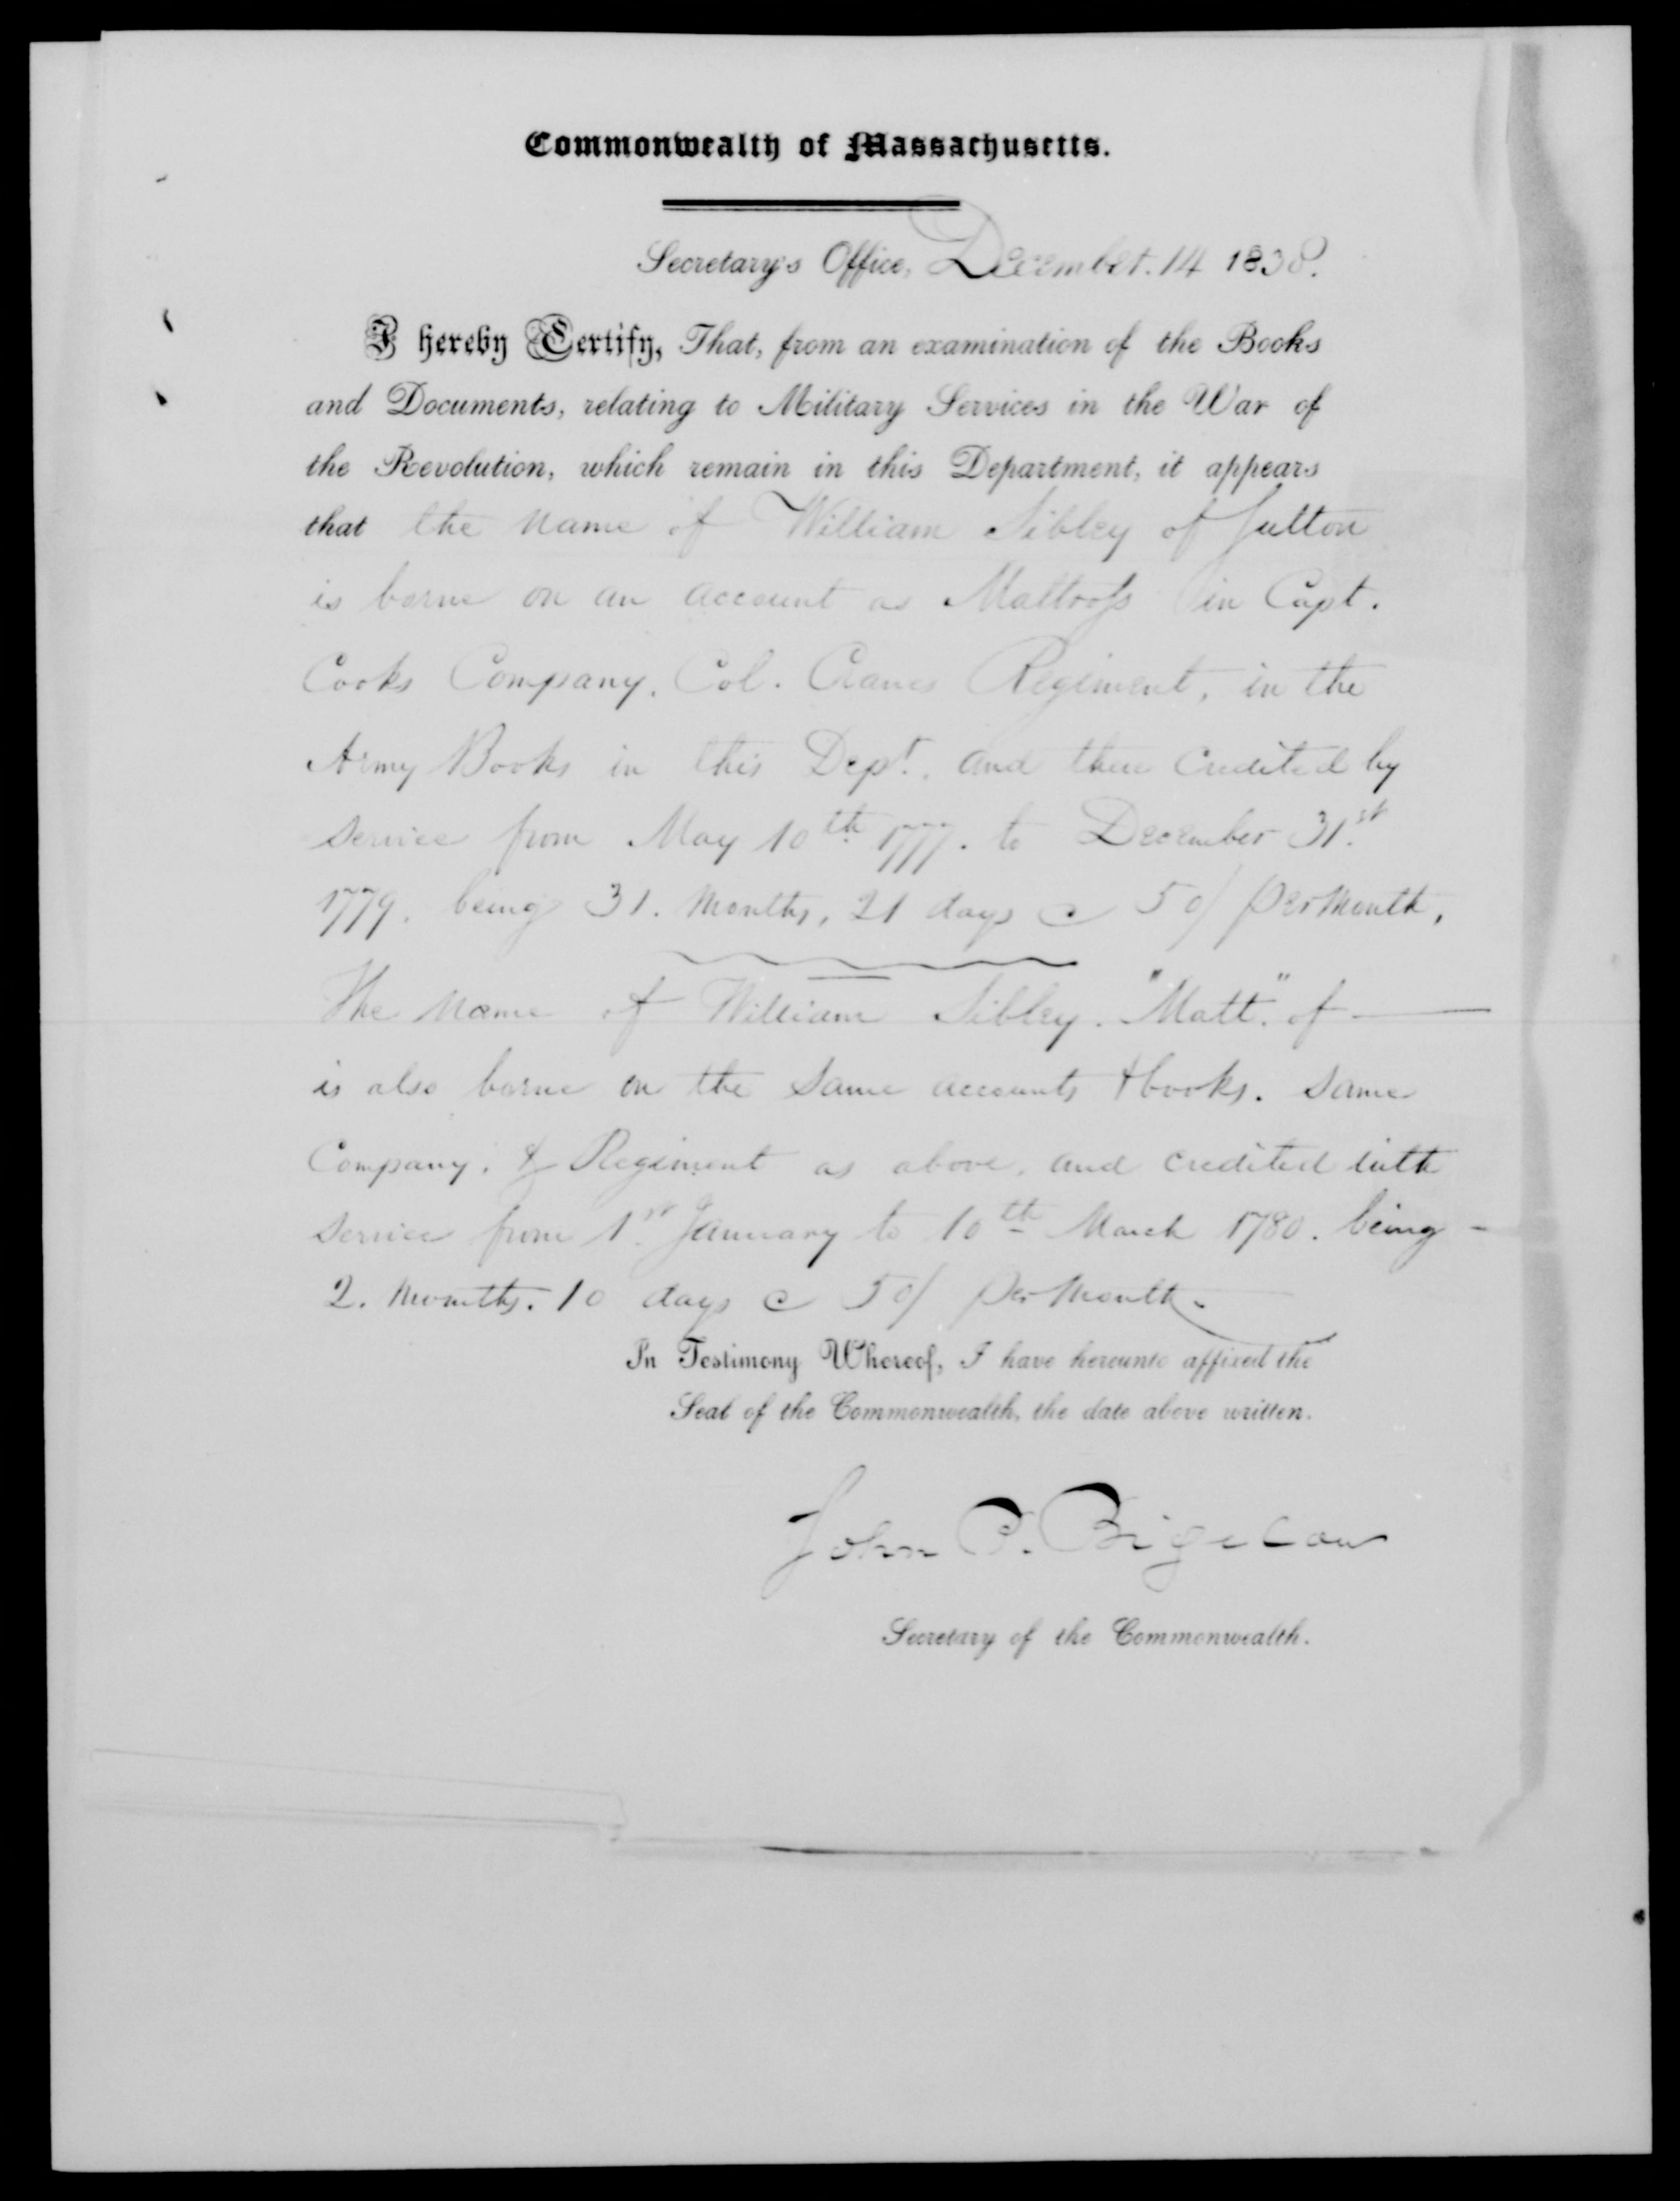Commonwealth of Massachusetts
Secretary's Office, December 14 1838.
I hereby certify, that from an examination of the Books and Documents, relating to Military Services in the War of the Revolution, which remains in this Department, it appears that the name of William Sibley of Sutton is borne on an account as Matross in Capt. Cooks Company, Col. Cranes Regiment, in the Army Books in this Dept. and there credited by service from May 10th 1777 to December 31st 1779. being 31 months, 21 days @ 50/ per month.
The name of William Sibley "Matt' of - is also borne on the same accounts & books.  Same Company & Regiment as above, and credited with service from 1 January to 10th March 1780 being 2 months, 10 days @ 50/ per month.
In Testimony Whereof, I have hereunto affixed the Seal of the Commonwealth, the date above written.
John B Bigelow
Secretary of the Commonwealth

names: John B Bigelow; William Sibley; William Sibley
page: 8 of 24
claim: widow's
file: W. 15,338, for William Sibley, Massachusetts